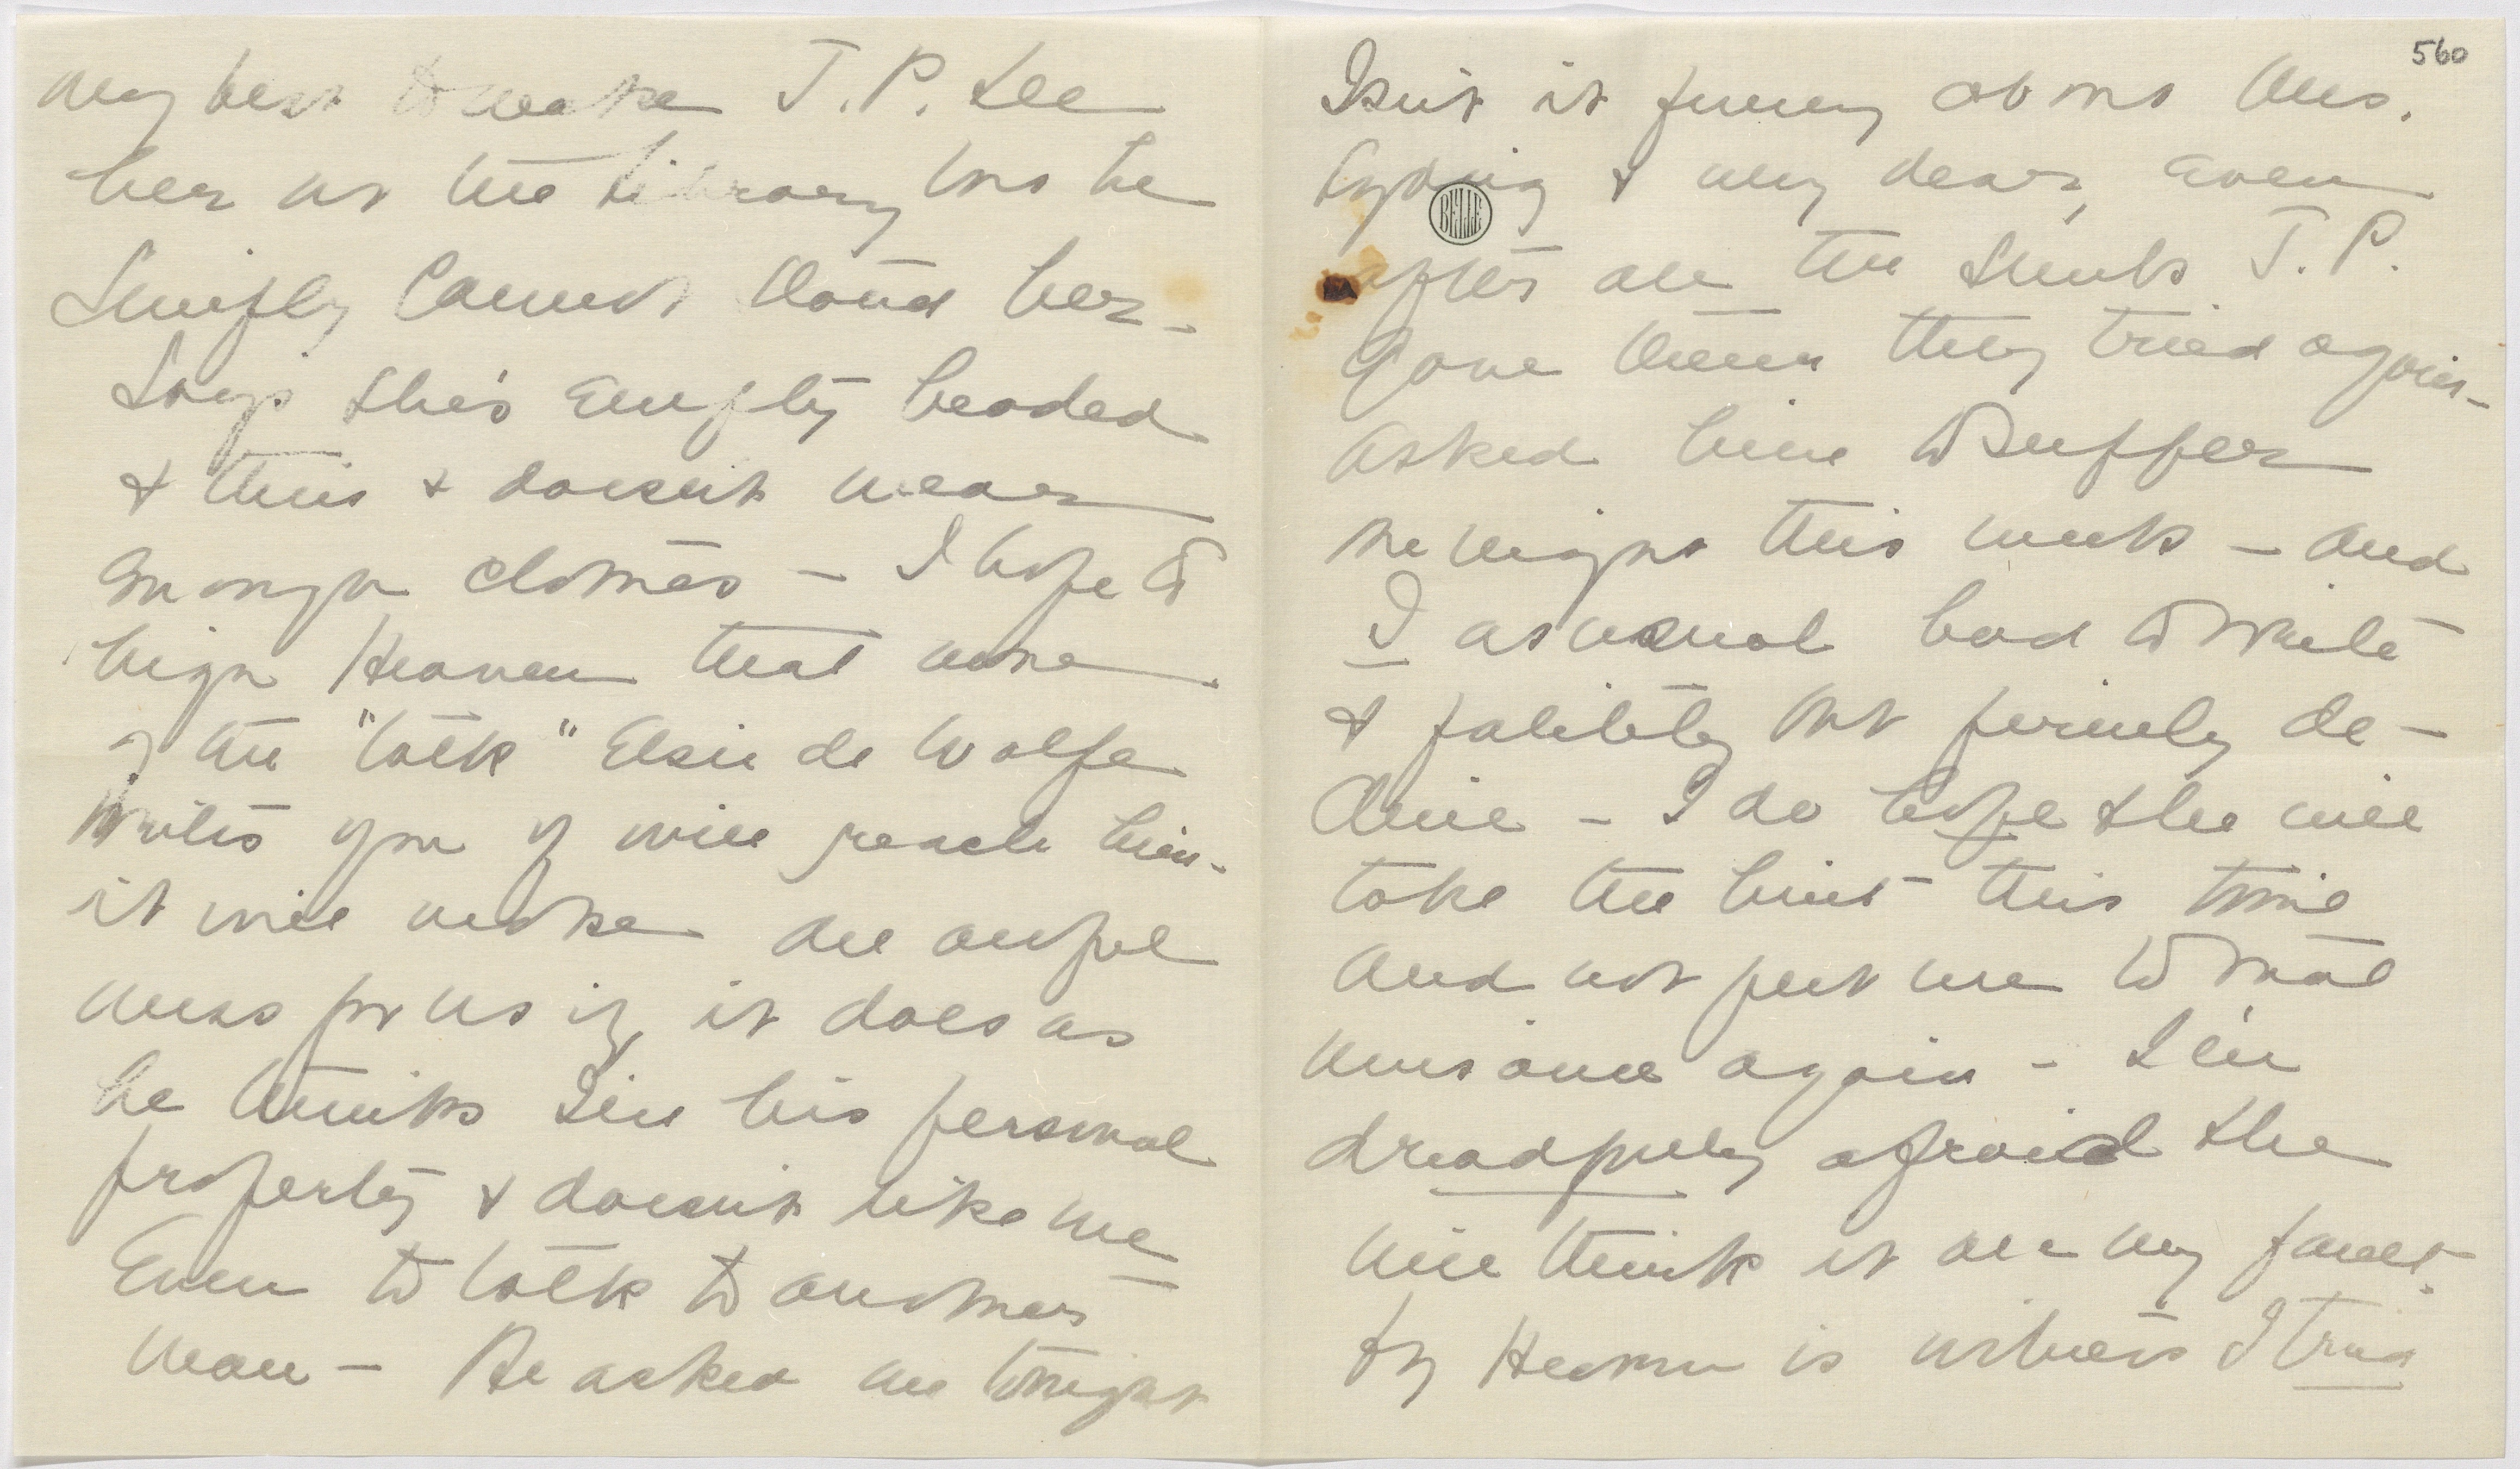Isn’t it funny about Mrs. Lydig & my dear, even after all the snubs J. P. gave them they tried again – asked him to supper one night this week – and I as usual had to write & politely but firmly decline – I do hope she will take the hint this time and not put me to that nuisance again – I’m dreadfully afraid she will think it all my fault, by Heaven is [sic] witness I tried
my best to make J. P. see her at the Library but he simply cannot stand her – says she’s empty headed & thin & doesn’t wear enough clothes – I hope to high Heaven that none of the “talk” Elsie de Wolfe writes you of will reach him – it will make an awful mess for us if it does as he thinks I’m his personal property & doesn’t like me Even to talk to another man – He asked me tonight